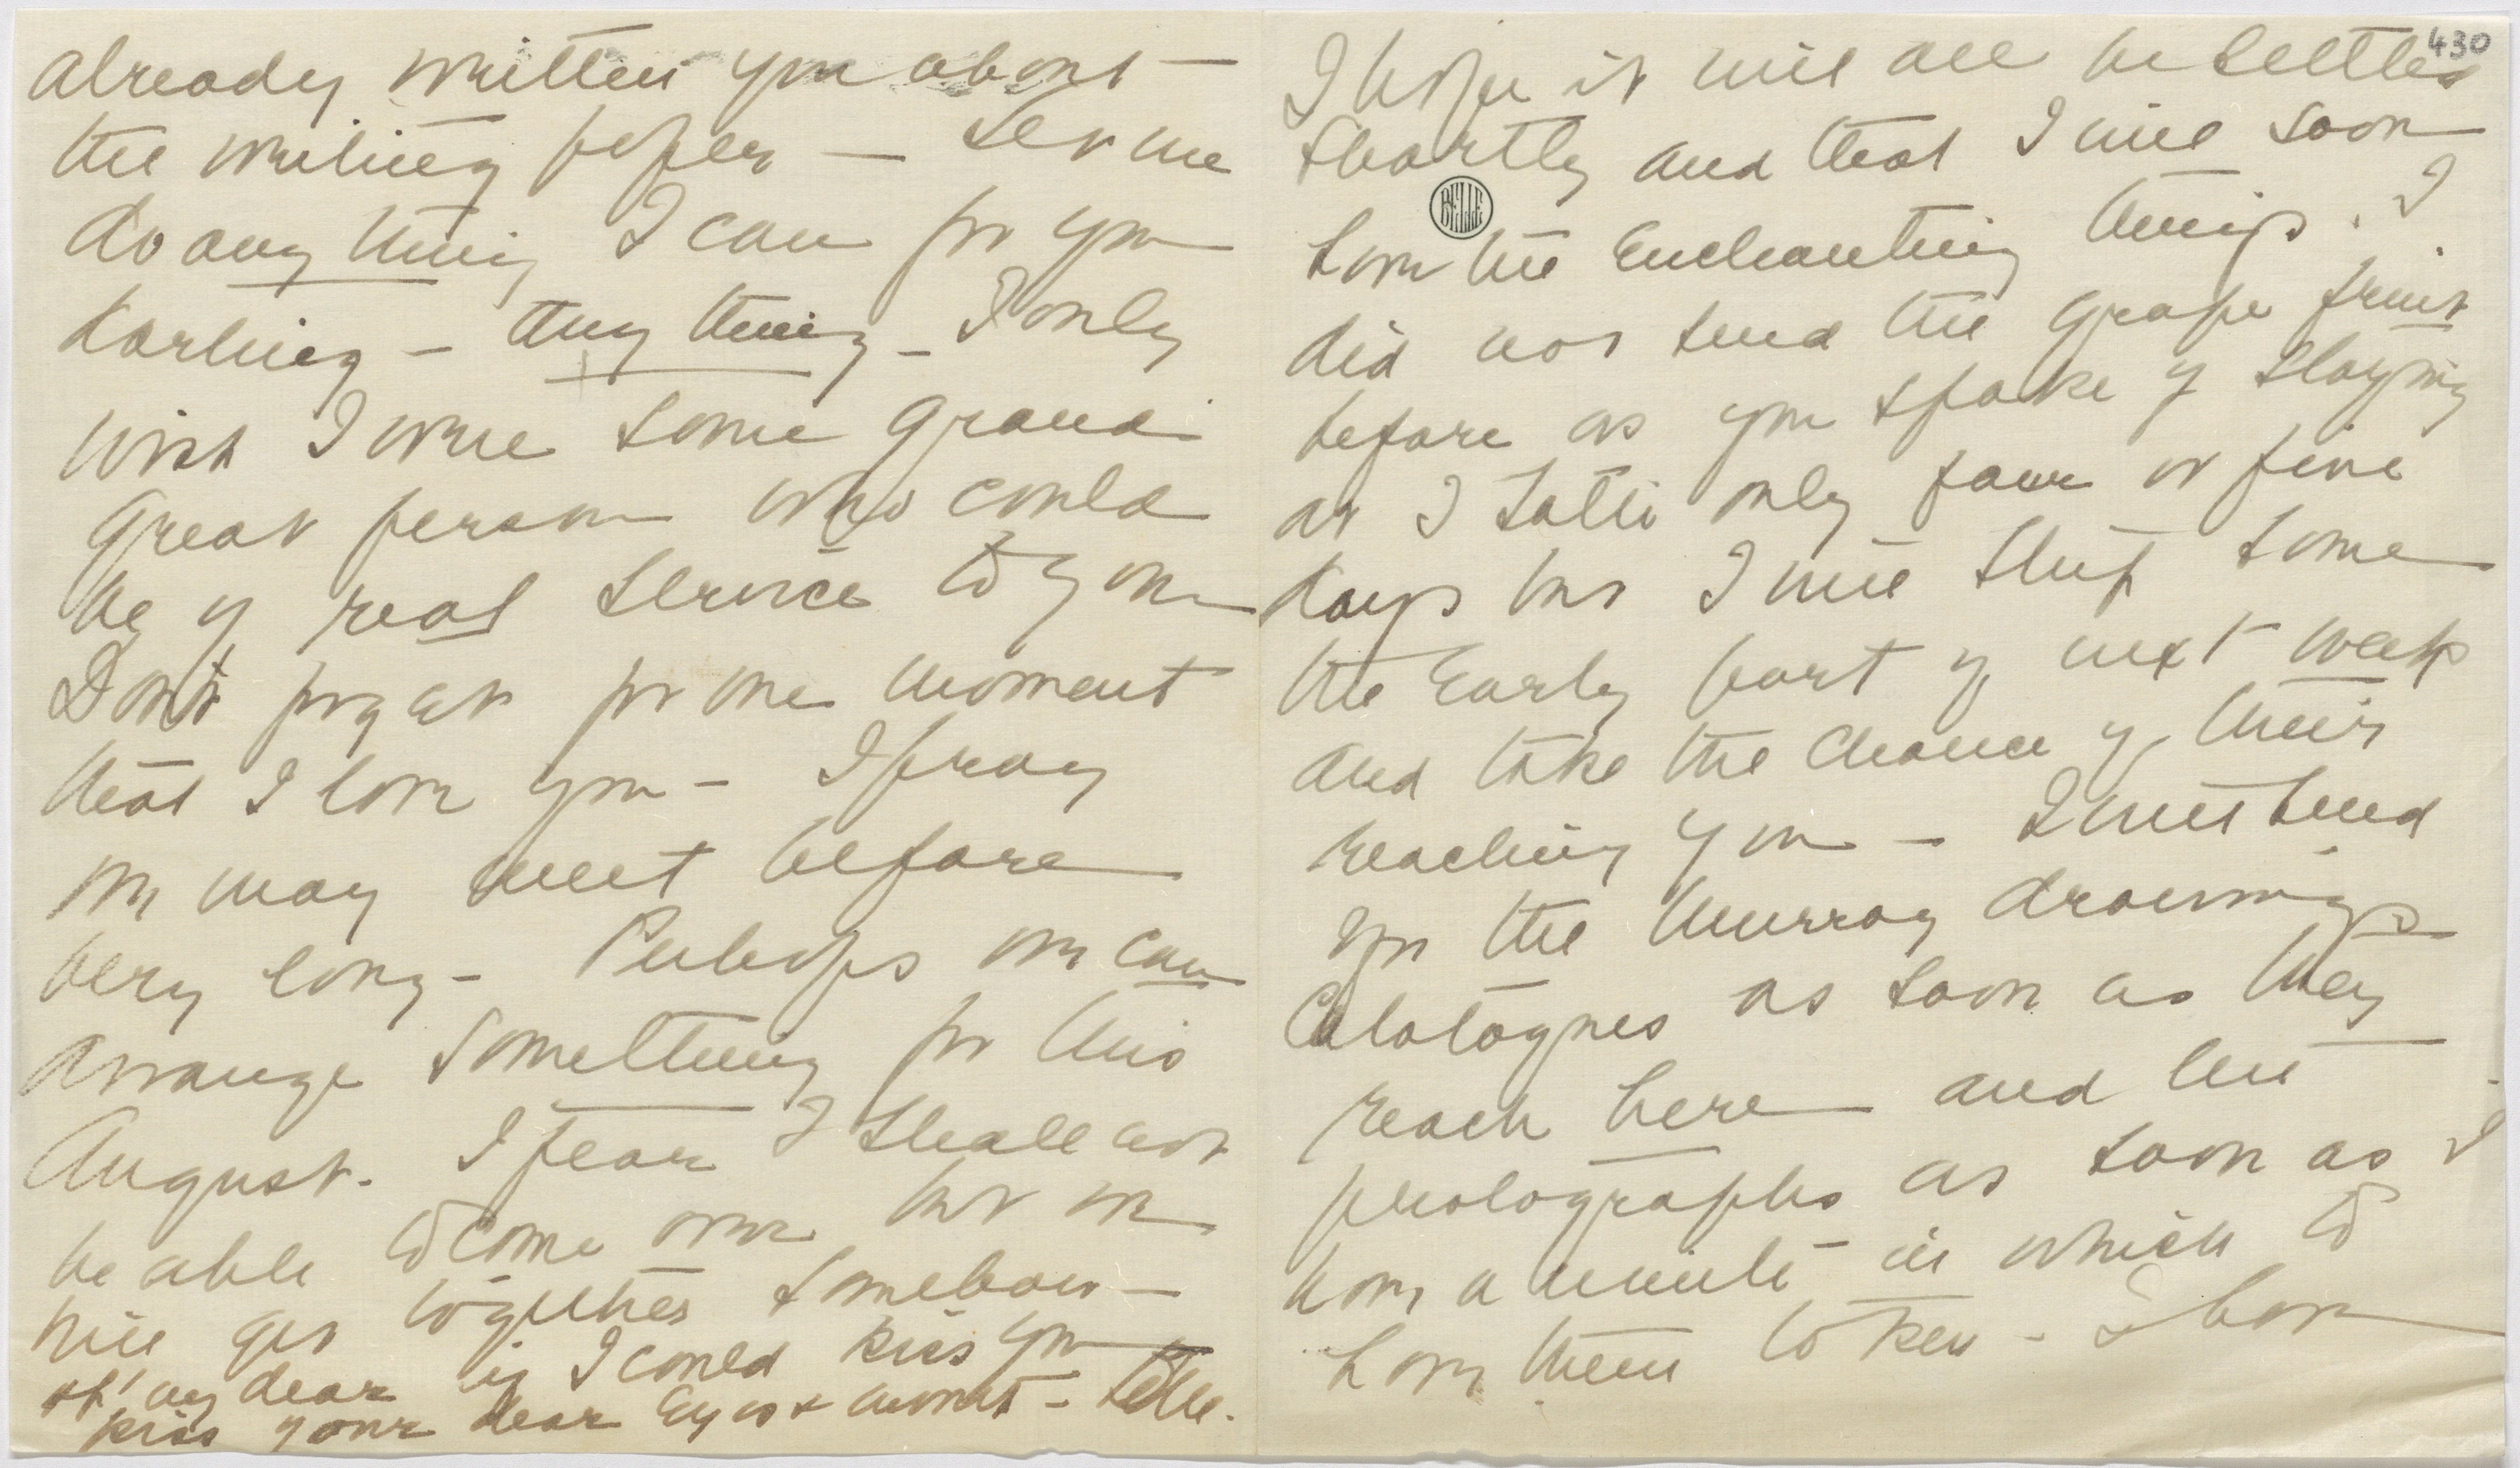I hope it will all be settled shortly and that I will soon have the enchanting things. I did not send the grape fruit before as you spoke of staying at I Tatti only four or five days but I will ship some the early part of next week and take the chance of their reaching you – I will send you the Murray drawings Catalogues as soon as they reach here – and the photographs as soon as I have a minute in which to have them taken – I have
already written you about the writing paper – Let me do any thing I can for you darling – Any thing – I only wish I were some grand great person who could be of real service to you – Don’t forget for one moment that I love you – I pray we may meet before very long – Perhaps we can arrange something for this August. I fear I shall not be able to come over but we will get together somehow – oh! my dear if I could kiss you kiss your dear eyes & mouth – Belle.